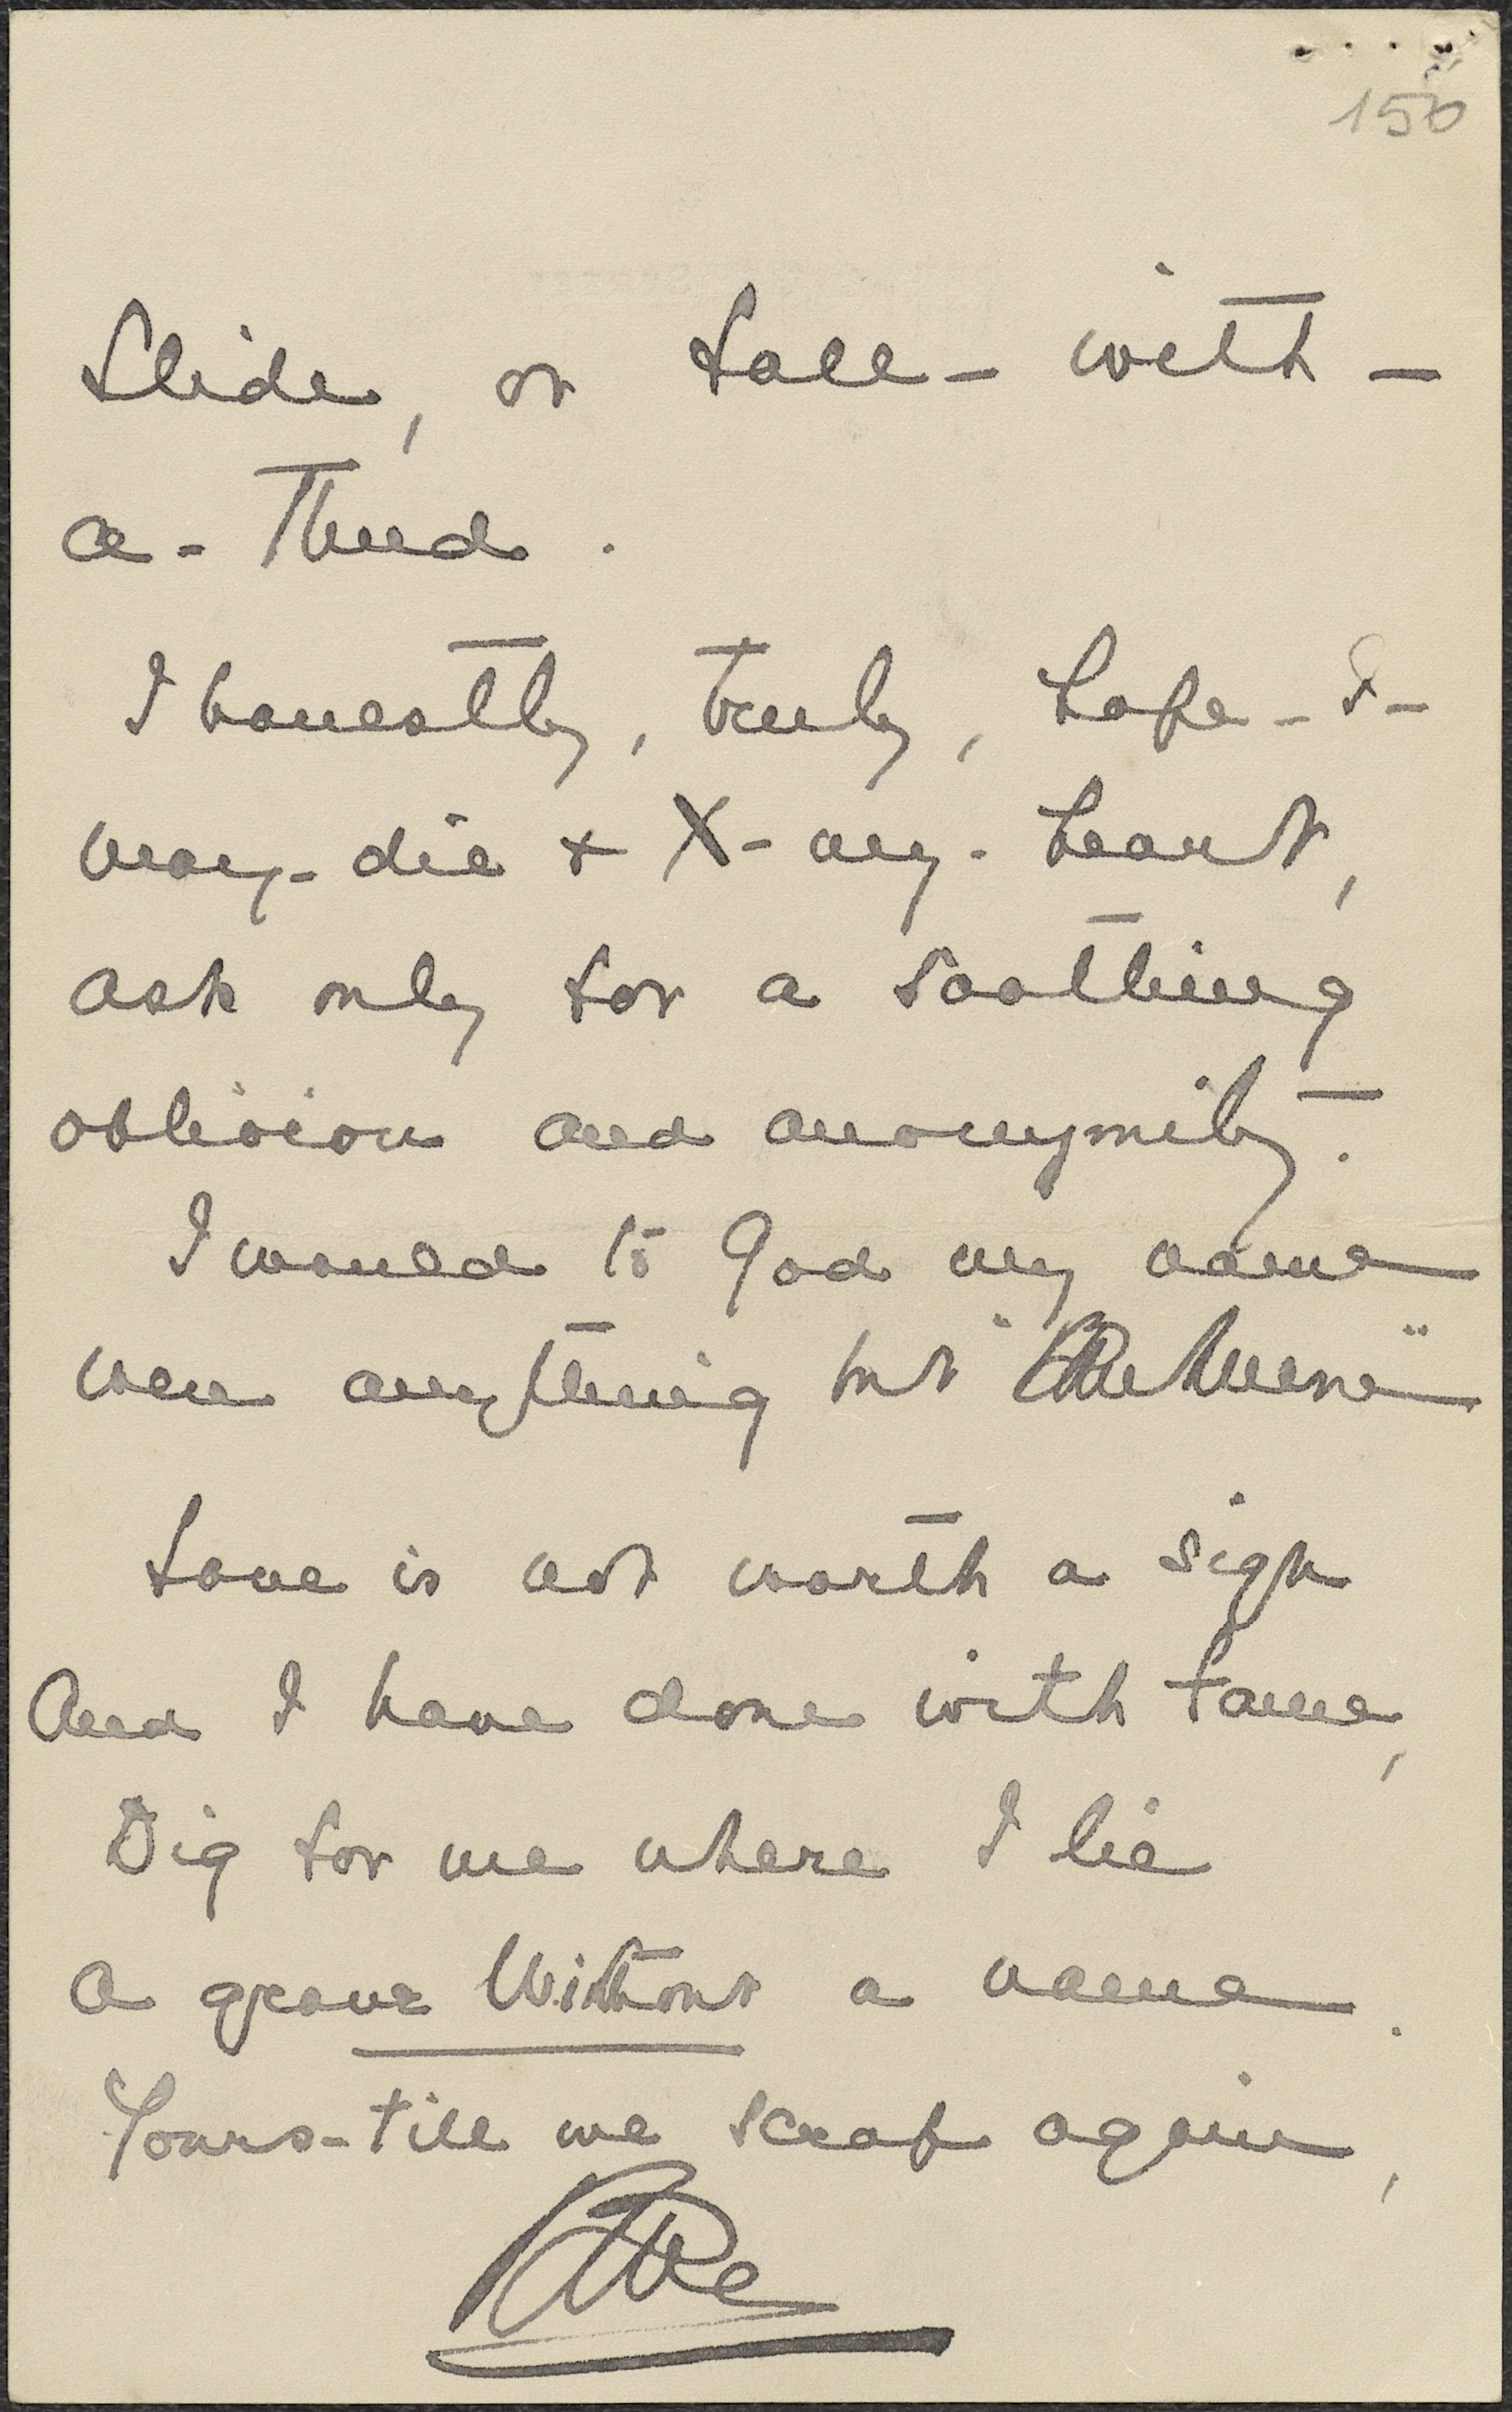Slide, or fall – with-a-thud.
I honestly, truly, hope-I-may-die & X-my-heart, ask only for a soothing oblivion and anonymity.
I would to God my name were anything but "Belle Greene"
Love is not worth a sigh
And I have done with fame,
Dig for me where I lie
A grave Without a name.
Yours – till we scrap again,
Belle